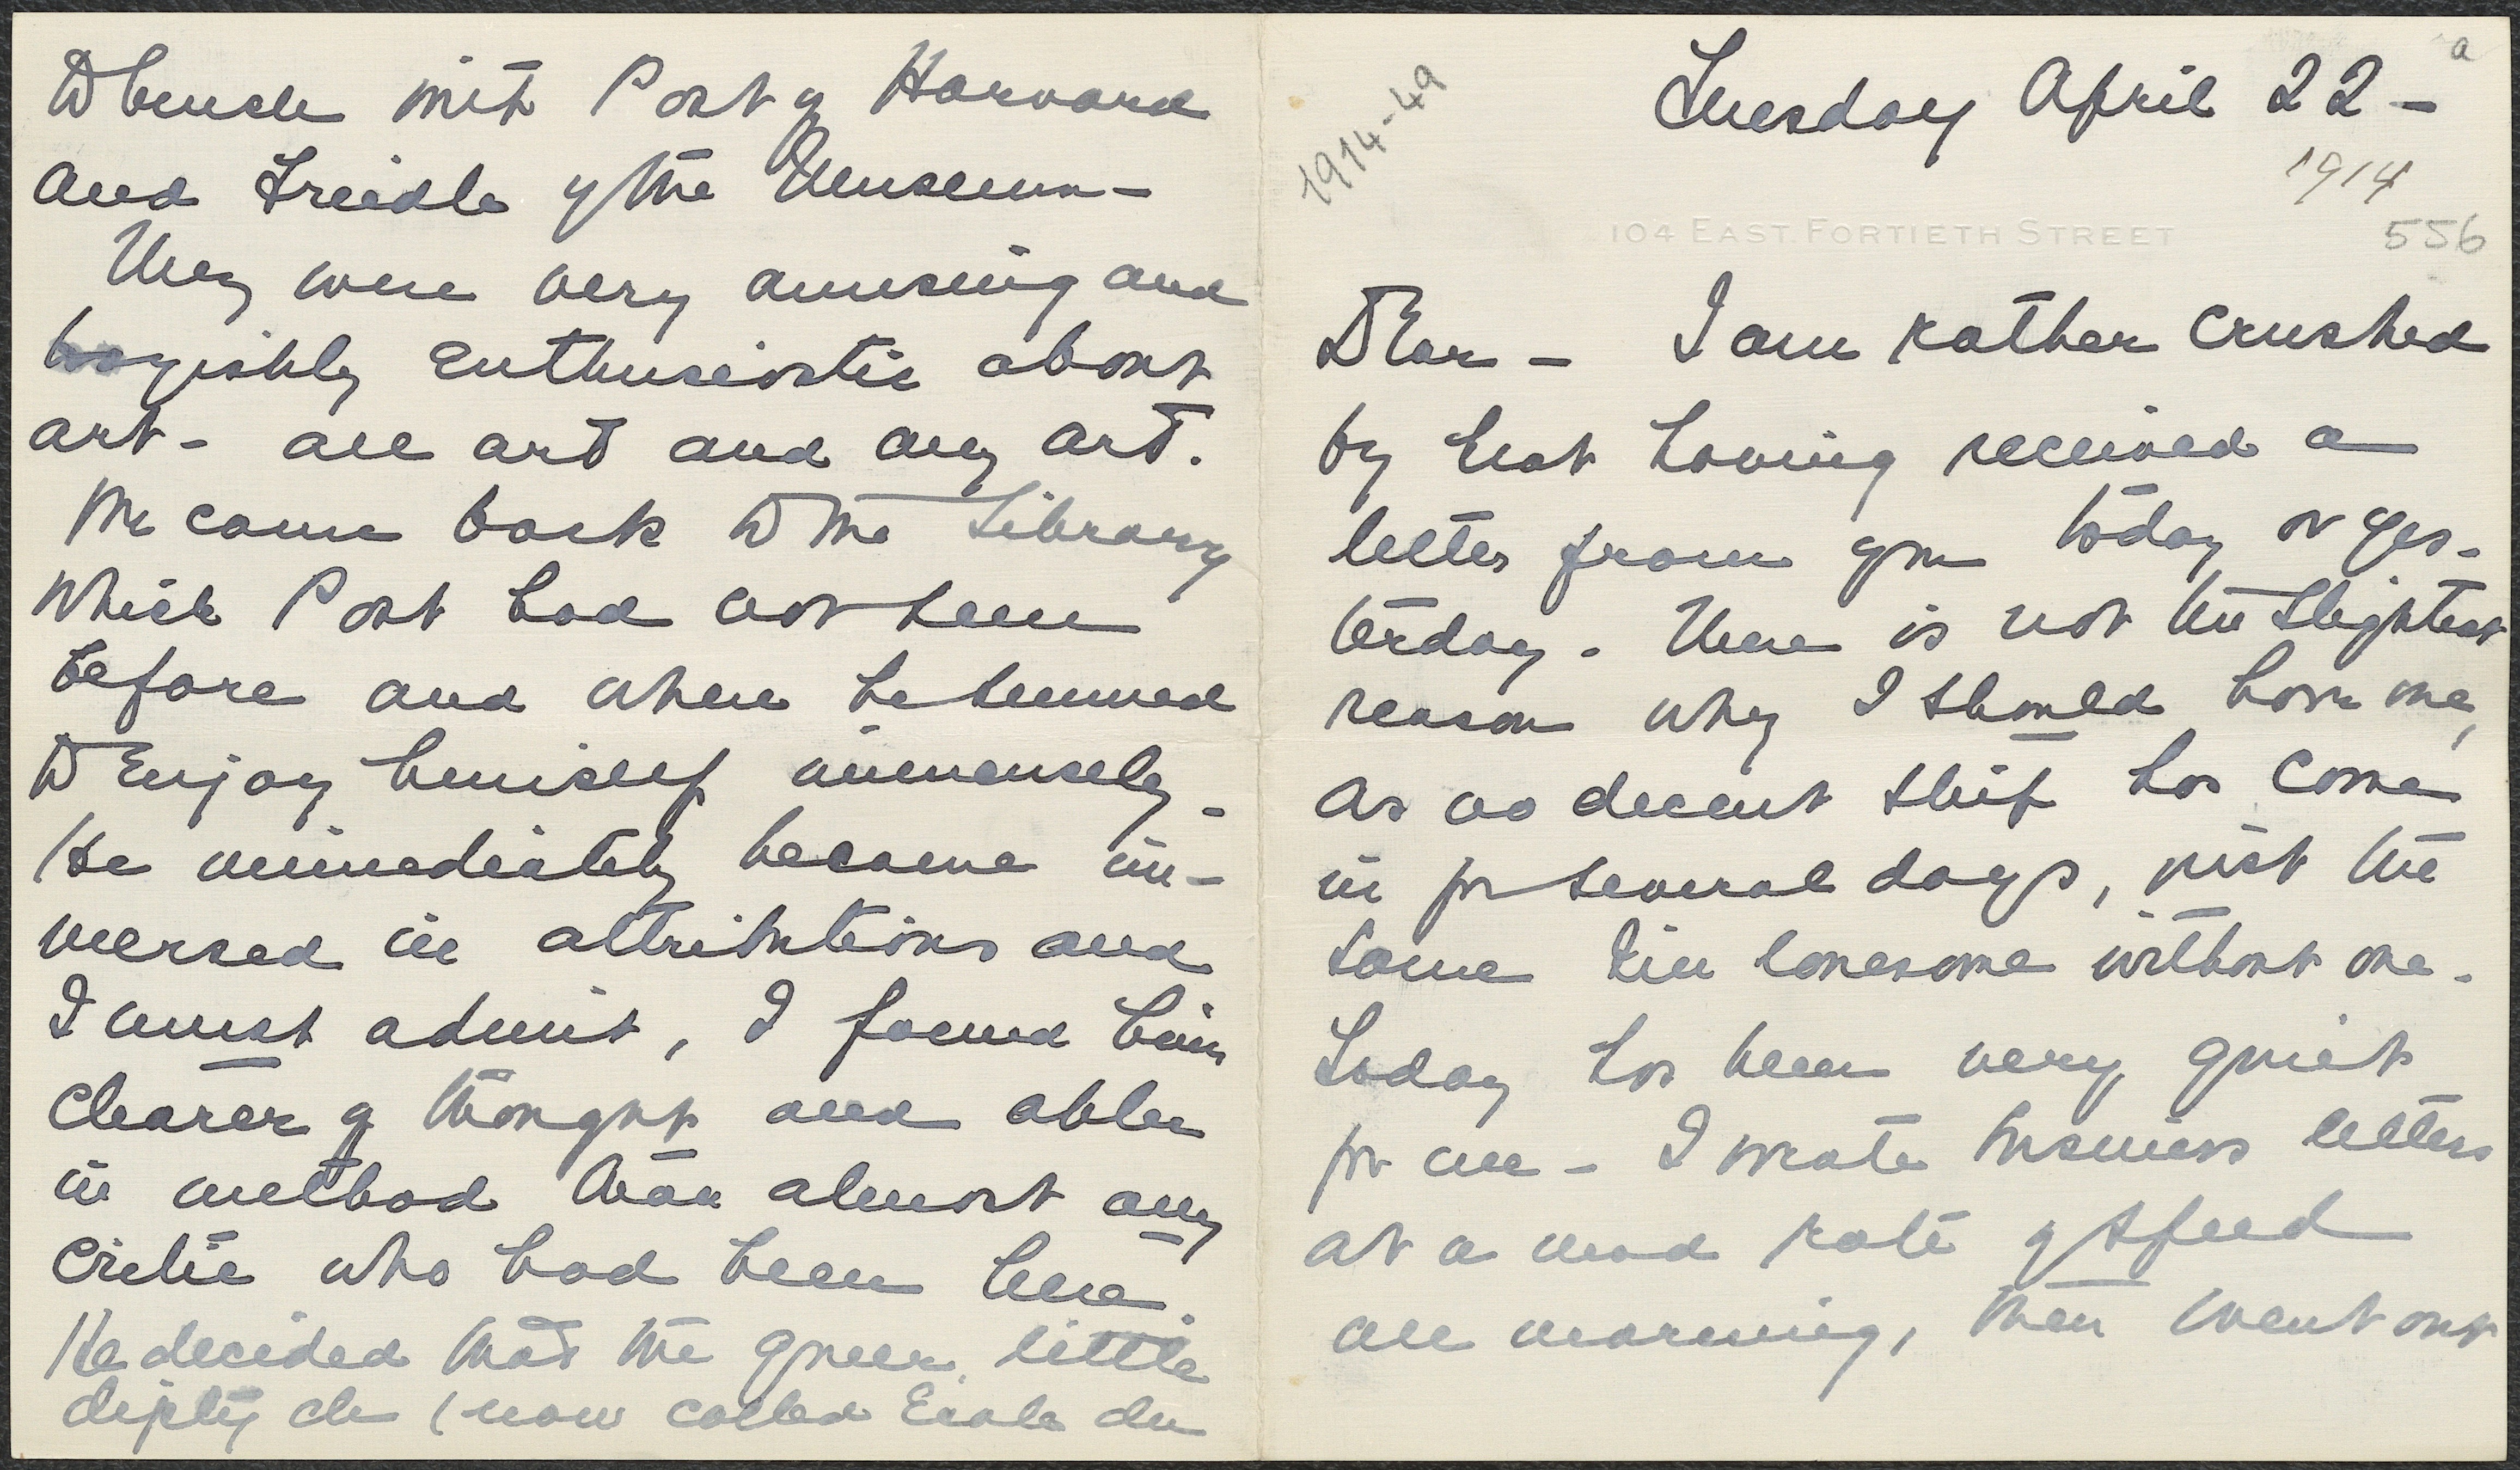Tuesday April 22 –
Dear – I am rather crushed by not having received a letter from you today or yesterday – There is not the slightest reason why I should have one, as no decent ship has come in for several days, just the same I’m lonesome without one – Today has been very quiet for me – I wrote business letters at a mad rate of speed all morning, then went out
to lunch with Post of Harvard and Friedle of the Museum –
They were very amusing and boyishly enthusiastic about art – all art and any art. We came back to the Library which Post had not seen before and where he seemed to enjoy himself immensely – He immediately became immersed in attributions and I must admit, I found him clearer of thought and abler in method than almost any critic who had been here. He decided that the queer little diptych (now called Ecole du